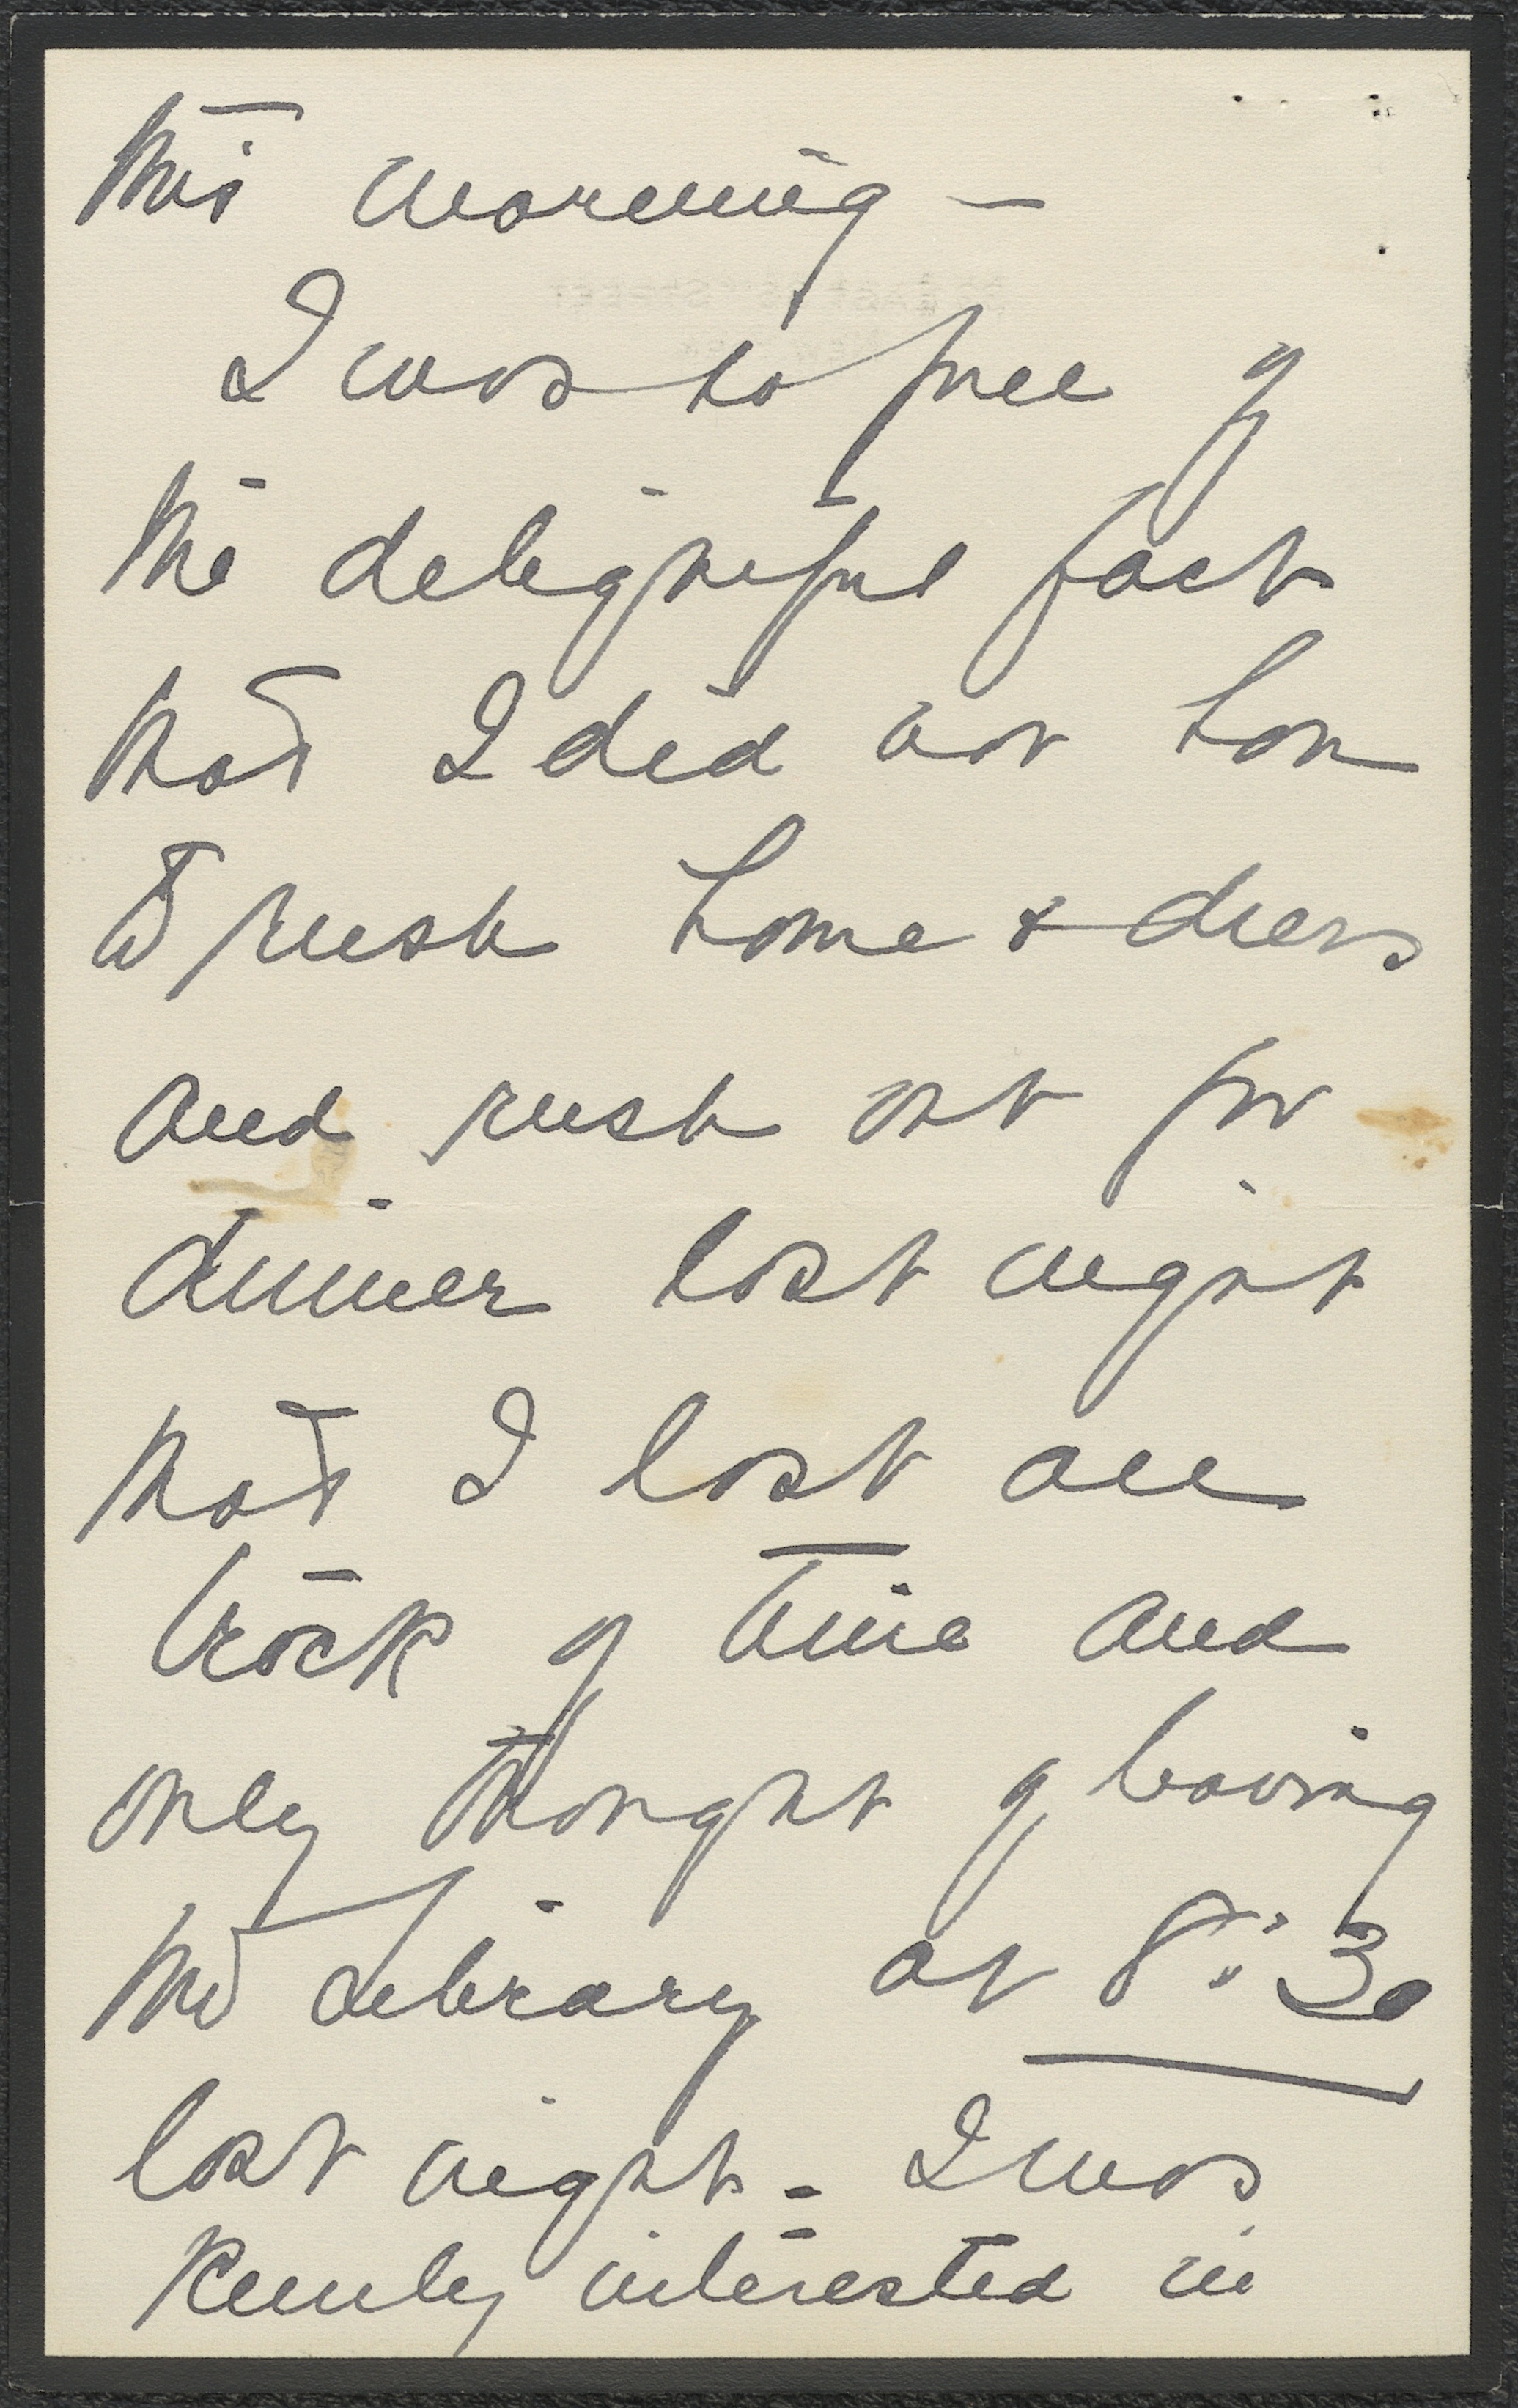this morning –
I was so full of the delightful fact that I did not have to rush home & dress and rush out for dinner last night that I lost all track of time and only thought of leaving the Library at 8:30 last night – I was keenly interested in